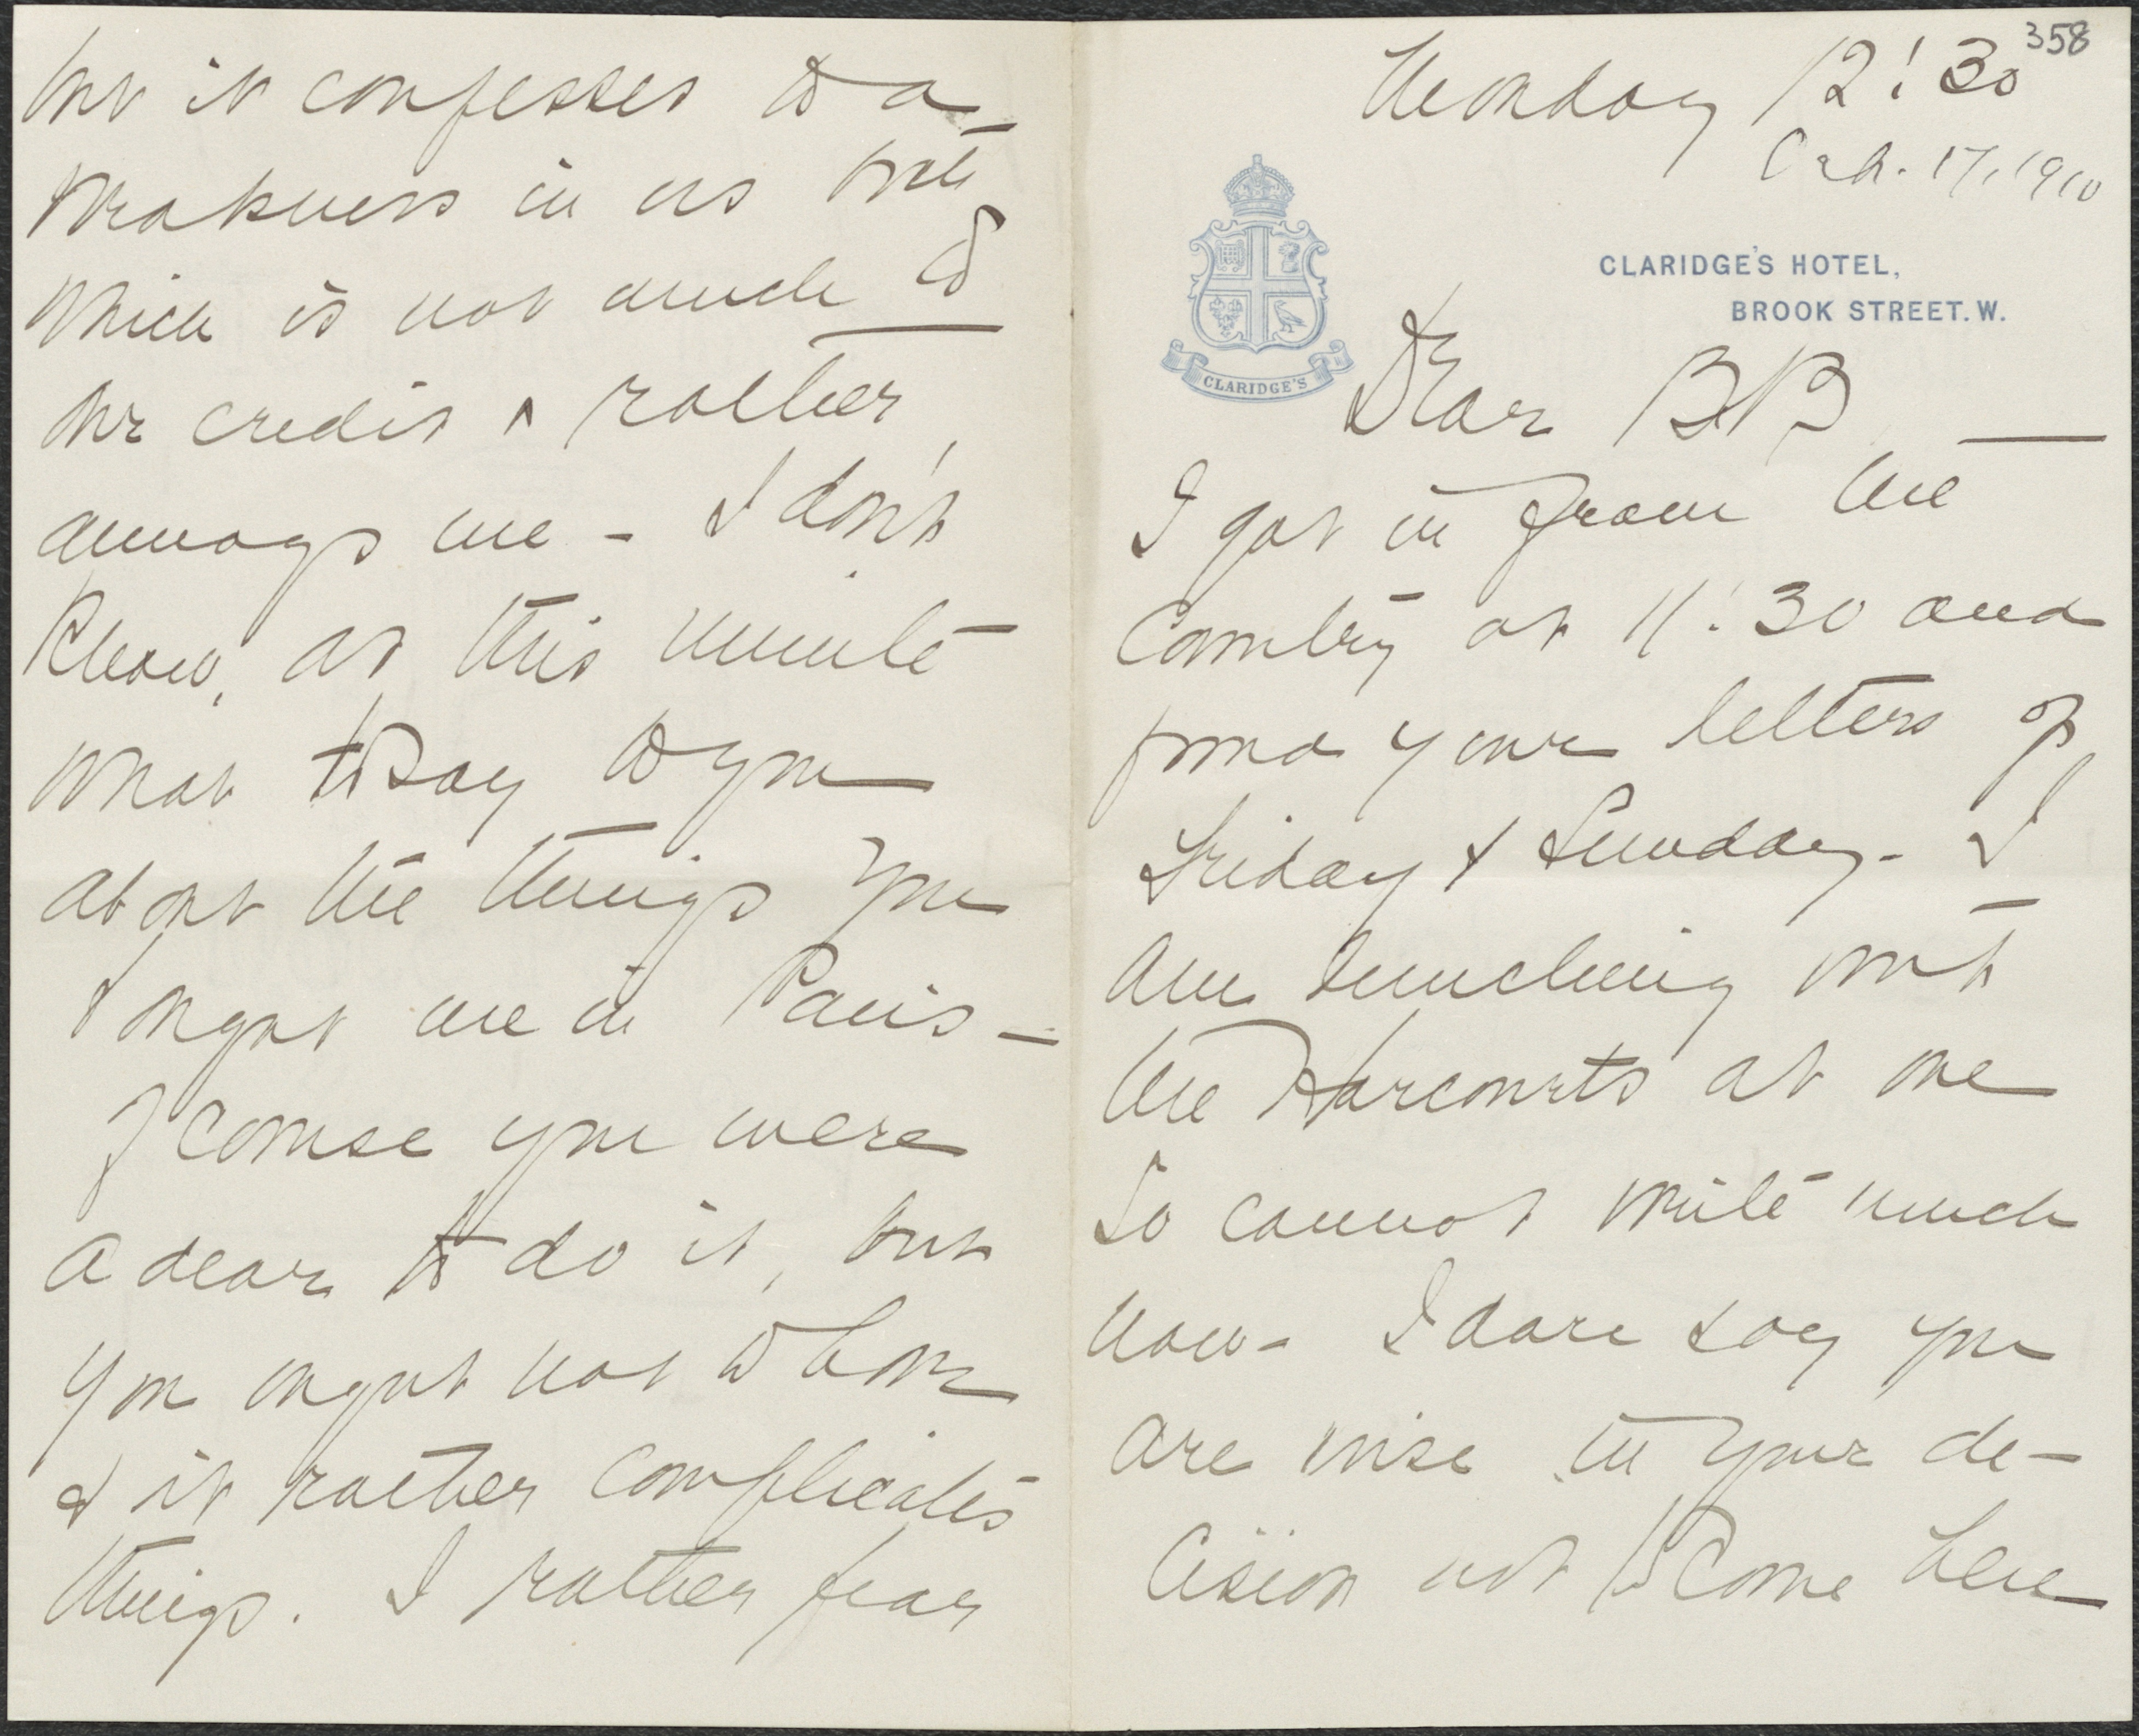Monday 12:30
Dear B. B. –
I got in from the country at 11:30 and found your letters of Friday & Sunday. I am lunching with the Harcourts at one so cannot write much now – I dare say you are wise in your decision not to come here
but it confesses to a weakness in us both which is not much to our credit & rather annoys me – I don’t know, at this minute what to say to you about the things you bought me in Paris – of course you were a dear to do it, but you ought not to have & it rather complicates things. I rather fear